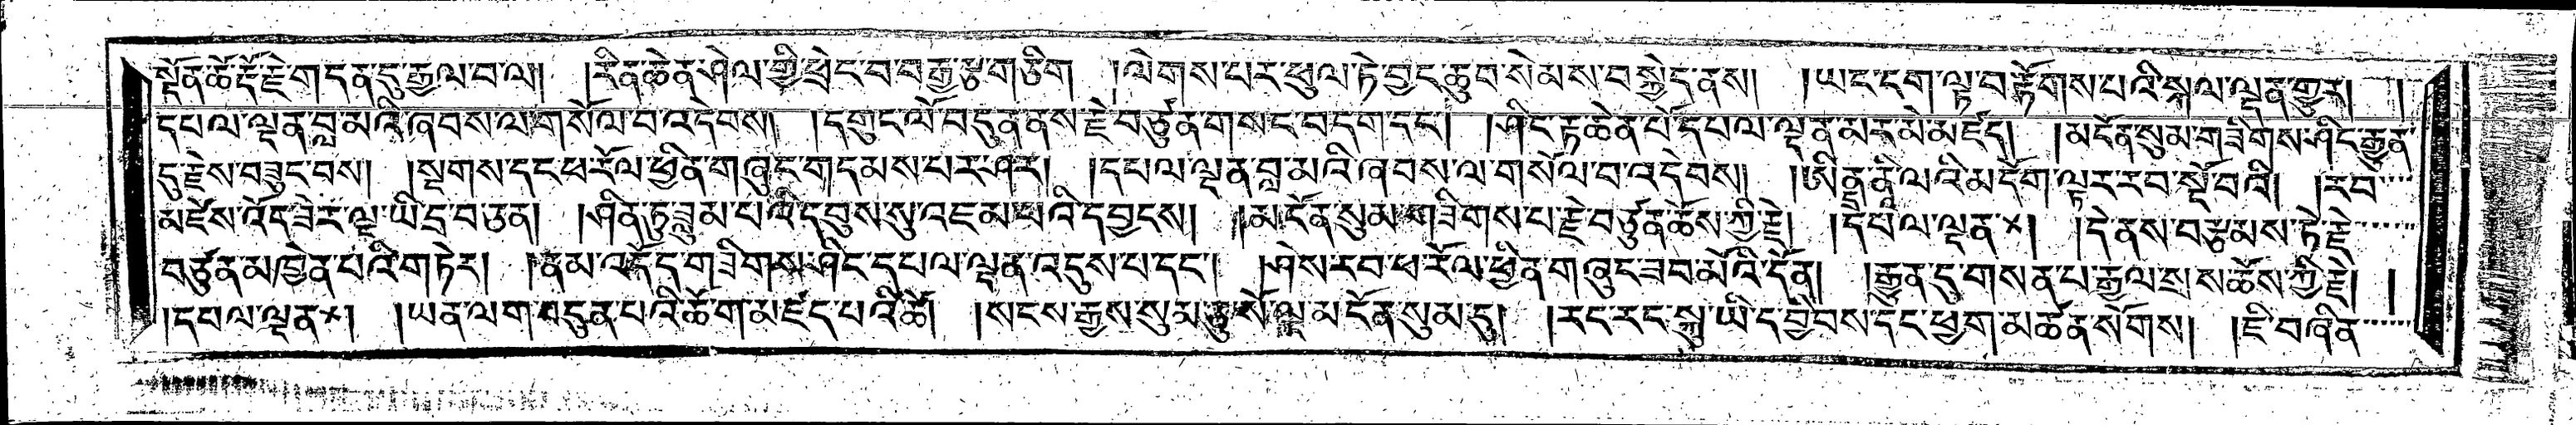སྔོན་ཚེ་རྡོ་རྗེ་གདན་དུ་རྒྱལ་བ་ལ། །རིན་ཆེན་ཤེལ་གྱི་ཕྲེང་བ་བརྒྱ་རྩ་གཅིག །ལེགས་པར་ཕུལ་ཏེ་བྱང་ཆུབ་སེམས་བསྐྱེད་ནས། །ཡང་དག་ལྟ་བ་རྟོགས་པའི་སྐལ་ལྡན་གྱུར། །
དཔལ་ལྡན་བླ་མའི་ཞབས་ལ་གསོལ་བ་འདེབས། །དགུང་ལོ་བདུན་ནས་རྗེ་བཙུན་གསང་བདག་དང་། །ཤིང་རྟ་ཆེན་པོ་དཔལ་ལྡན་མར་མེ་མཛད། །མངོན་སུམ་གཟིགས་ཤིང་རྒྱུན་
དུ་རྗེས་བཟུང་བས། །སྔགས་དང་ཕ་རོལ་ཕྱིན་གཞུང་གདམས་པར་ཤར། །དཔལ་ལྡན་བླ་མའི་ཞབས་ལ་གསོལ་བ་འདེབས། །ཨིནྡྲ་ནཱི་ལའི་མདོག་ལྟར་རབ་སྔོ་བའི། །རབ་
མཛེས་འོད་ཟེར་ལྔ་ཡི་དྲ་བ་ཅན། །ཤིན་ཏུ་ཟླུམ་པའི་དབུས་སུ་འཇམ་པའི་དབྱངས། །མངོན་སུམ་གཟིགས་པ་རྗེ་བཙུན་ཆོས་ཀྱི་རྗེ། །དཔལ་ལྡན་{྾}། །དེ་ནས་བརྩམས་ཏེ་རྗེ་
བཙུན་མཁྱེན་པའི་གཏེར། །ནམ་འདོད་གཟིགས་ཤིང་དཔལ་ལྡན་འདུས་པ་དང་། །ཤེས་རབ་ཕ་རོལ་ཕྱིན་གཞུང་ཟབ་མོའི་དོན། །རྒྱུན་དུ་གསན་པ་རྒྱལ་སྲས་ཆོས་ཀྱི་རྗེ། །
དཔལ་ལྡན་{྾}། །ཡན་ལག་བདུན་པའི་ཆོ་ག་མཛད་པའི་ཚེ། །སངས་རྒྱས་སུམ་ཅུ་སོ་ལྔ་མངོན་སུམ་དུ། །རང་རང་སྐུ་ཡི་དབྱིབས་དང་ཕྱག་མཚན་སོགས། །ཇི་བཞིན་